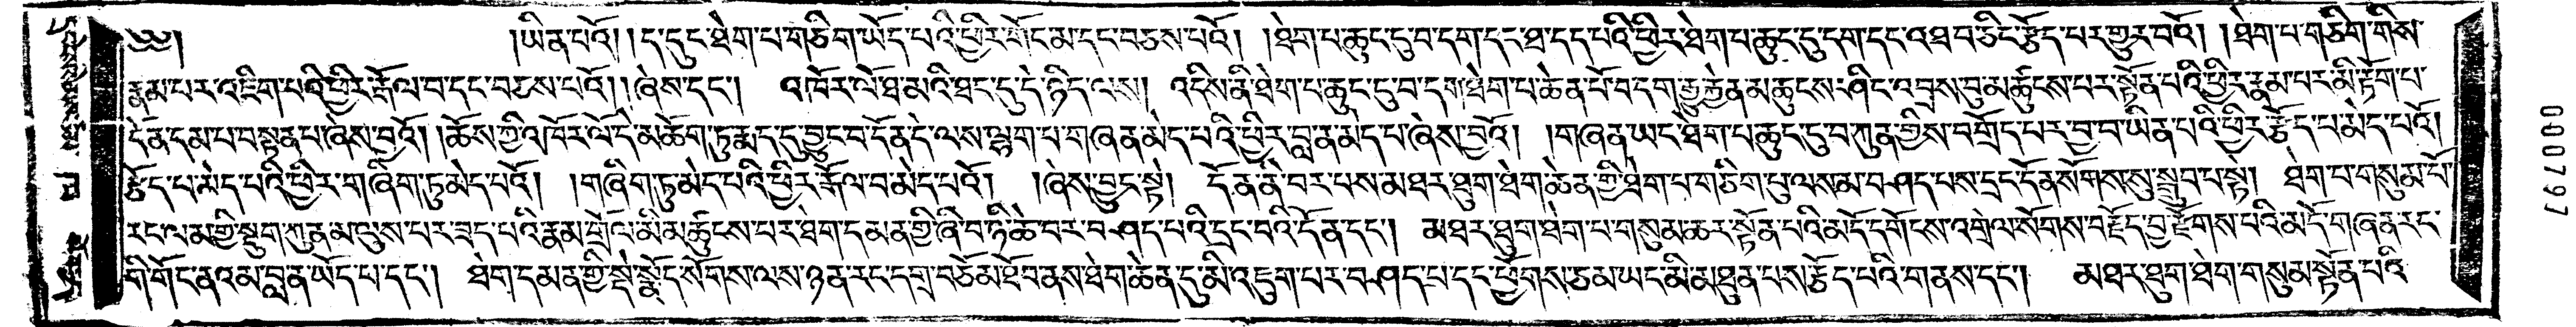༄༅། །ཡིན་པའོ། །ད་དུང་ཐེག་པ་གཅིག་ཡོད་པའི་ཕྱིར་གོང་མ་དང་བཅས་པའོ། །ཐེག་པ་ཆུང་ངུ་བ་དག་དང་ཐ་དད་པའི་ཕྱིར་ཐེག་པ་ཆུང་དུ་དག་དང་འཐབ་ཅིང་རྩོད་པར་གྱུར་པའོ། །ཐེག་པ་གཅིག་གིས་
རྣམ་པར་འཇིག་པའི་ཕྱིར་རྒོལ་བ་དང་བཅས་པའོ། །ཞེས་དང་། འཁོར་ལོ་ཐ་མའི་ཐད་དུ་དེ་ཉིད་ལས། འདིས་ནི་ཐེག་པ་ཆུང་དུ་བ་དག་ཐེག་པ་ཆེན་པོ་བ་དག་རྒྱུ་རྐྱེན་མཚུངས་ཤིང་འབྲས་བུ་མཚུངས་པར་སྟོན་པའི་ཕྱིར་རྣམ་པར་མི་རྟོག་པ་
དོན་དམ་པ་བསྟན་པ་ཞེས་བྱའོ། །ཆོས་ཀྱི་འཁོར་ལོ་དེ་མཆོག་ཏུ་རྨད་དུ་བྱུང་བ་དོན་དེ་ལས་ལྷག་པ་གཞན་མེད་པའི་ཕྱིར་བླ་ན་མེད་པ་ཞེས་བྱའོ། །གཞན་ཡང་ཐེག་པ་ཆུང་ངུ་བ་ཀུན་གྱིས་བགྲོད་པར་བྱ་བ་ཡིན་པའི་ཕྱིར་རྩོད་པ་མེད་པའོ།
རྩོད་པ་མེད་པའི་ཕྱིར་གཞིག་ཏུ་མེད་པའོ། །གཞིག་ཏུ་མེད་པའི་ཕྱིར་རྒོལ་བ་མེད་པའོ། །ཞེས་བྱུང་སྟེ། དོན་ནི་བར་པས་མཐར་ཐུག་ཐེག་ཆེན་གྱི་ཐེག་པ་གཅིག་པུ་ལས་མ་བཤད་པས་དྲང་དོན་སོགས་སུ་སྒྲུབ་པ་སྟེ། ཐེག་པ་གསུམ་པོ་
རང་ལམ་གྱི་སྡུག་ཀུན་མ་ལུས་པར་ཟད་པའི་རྣམ་གྲོལ་མི་མཚུངས་པར་ཐེག་དམན་གྱི་ཞི་བ་ཉི་ཚེ་བར་བཤད་པའི་དྲང་བའི་དོན་དང་། མཐར་ཐུག་ཐེག་པ་གསུམ་ཆར་སྟོན་པའི་མདོ་དགོངས་འགྲེལ་སོགས་བརྗོད་བྱ་རྫོགས་པའི་མདོ་གཞན་རང་
གི་གོང་ནའམ་བླ་ན་ཡོད་པ་དང་། ཐེག་དམན་གྱི་སྡེ་སྣོད་སོགས་ལས་ཉན་རང་དགྲ་བཅོམ་ཐོབ་ནས་ཐེག་ཆེན་དུ་མི་འཇུག་པར་བཤད་པ་དང་ཕྱོགས་ཙམ་ཡང་མི་མཐུན་པས་རྩོད་པའི་གནས་དང་། མཐར་ཐུག་ཐེག་གསུམ་སྟོན་པའི་